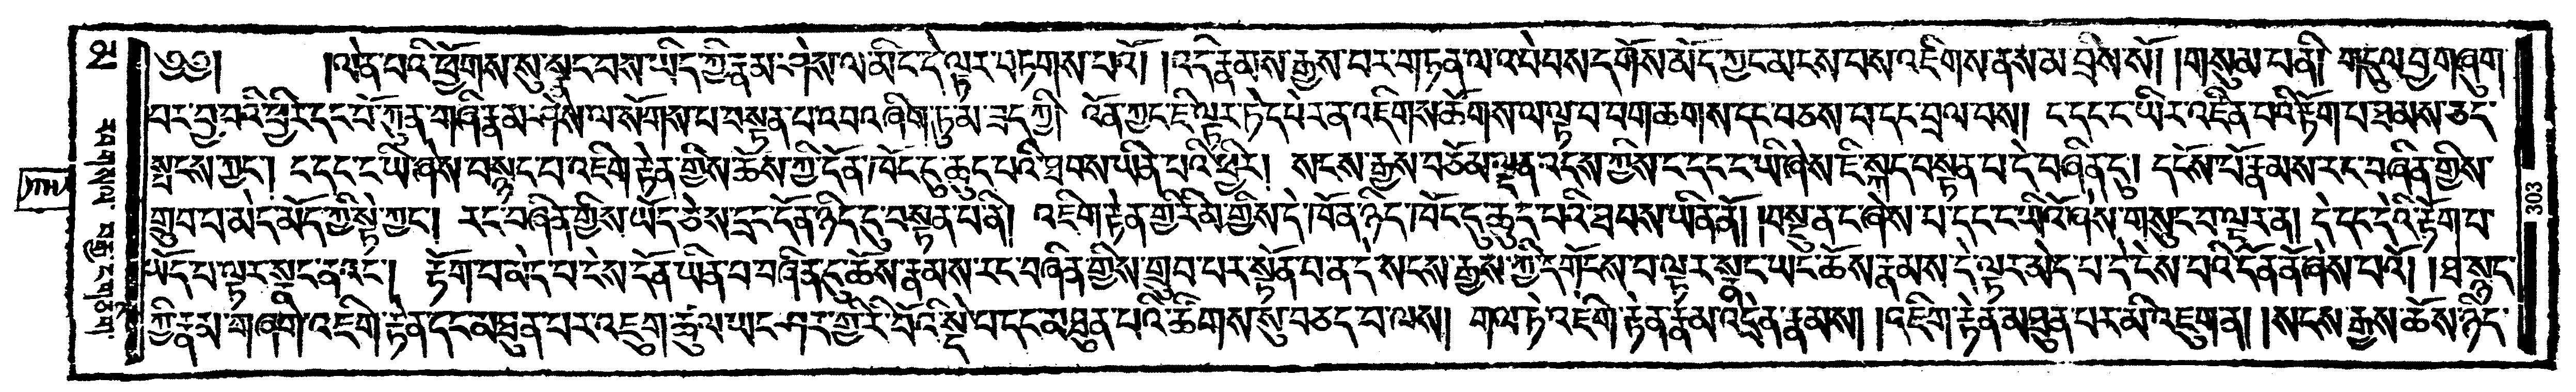ལེན་པའི་ཕྱོགས་སུ་སྣང་བས་ཡིད་ཀྱི་རྣམ་ཤེས་ལ་མིང་དེ་ལྟར་བཏགས་པའོ། །འདི་རྣམས་རྒྱས་པར་གཏན་ལ་འབེབས་དགོས་མོད་ཀྱང་མངས་པས་འཇིགས་ནས་མ་བྲིས་སོ། །གསུམ་པ་ནི། གདུལ་བྱ་གཞུག་
པར་བྱ་བའི་ཕྱིར་དང་པོ་ཀུན་གཞི་རྣམ་ཤེས་ལ་སོགས་པ་བསྟན་པ་འབའ་ཞིག་ཏུ་མ་ཟད་ཀྱི། འོན་ཀྱང་ཇི་ལྟར་ཏེ་དཔེར་ན་འཇིགས་ཚོགས་ལ་ལྟ་བ་བག་ཆགས་དང་བཅས་པ་དང་བྲལ་བས། ང་དང་ང་ཡིར་འཛིན་པའི་རྟོག་པ་ཐམས་ཅད་
སྤངས་ཀྱང་། ང་དང་ང་ཡི་ཞེས་བསྙད་པ་འཇིག་རྟེན་གྱིས་ཆོས་ཀྱི་དོན་ཁོང་དུ་ཆུད་པའི་ཐབས་ཡིན་པའི་ཕྱིར། སངས་རྒྱས་བཅོམ་ལྡན་འདས་ཀྱིས་ང་དང་ང་ཡི་ཞེས་ཇི་སྐད་བསྟན་པ་དེ་བཞིན་དུ། དངོས་པོ་རྣམས་རང་བཞིན་གྱིས་
གྲུབ་པ་མེད་མོད་ཀྱི་སྟེ་ཀྱང་། རང་བཞིན་གྱིས་ཡོད་ཅེས་དྲང་དོན་ཉིད་དུ་བསྟན་པ་ནི། འཇིག་རྟེན་གྱི་རིམ་གྱིས་དེ་ཁོ་ན་ཉིད་ཁོང་དུ་ཆུད་པའི་ཐབས་ཡིན་ནོ། །བསྡུ་ན་ང་ཞེས་པ་དང་ང་ཡིའོ་ཞེས་གསུང་པ་ལྟར་ན། དེ་དང་དེའི་རྟོག་པ་
ཡོད་པ་ལྟར་སྣང་ནའང་། རྟོག་པ་མེད་པ་ངེས་དོན་ཡིན་པ་བཞིན་དུ་ཆོས་རྣམས་རང་བཞིན་གྱིས་གྲུབ་པར་སྟོན་པ་དེ་སངས་རྒྱས་ཀྱི་དགོངས་པ་ལྟར་སྣང་ཡང་ཆོས་རྣམས་དེ་ལྟར་མེད་པ་དེ་ངེས་པའི་དོན་ནོ་ཞེས་པའོ། །ཐ་སྙད་
ཀྱི་རྣམ་གཞག་འཇིག་རྟེན་དང་མཐུན་པར་འཇུག་ཚུལ་ཡང་ཤར་གྱི་རི་བོའི་སྡེ་པ་དང་མཐུན་པའི་ཚིགས་སུ་བཅད་པ་ལས། གལ་ཏེ་འཇིག་རྟེན་རྣམ་འདྲེན་རྣམས། །འཇིག་རྟེན་མཐུན་པར་མི་འཇུག་ན། །སངས་རྒྱས་ཆོས་ཉིད་